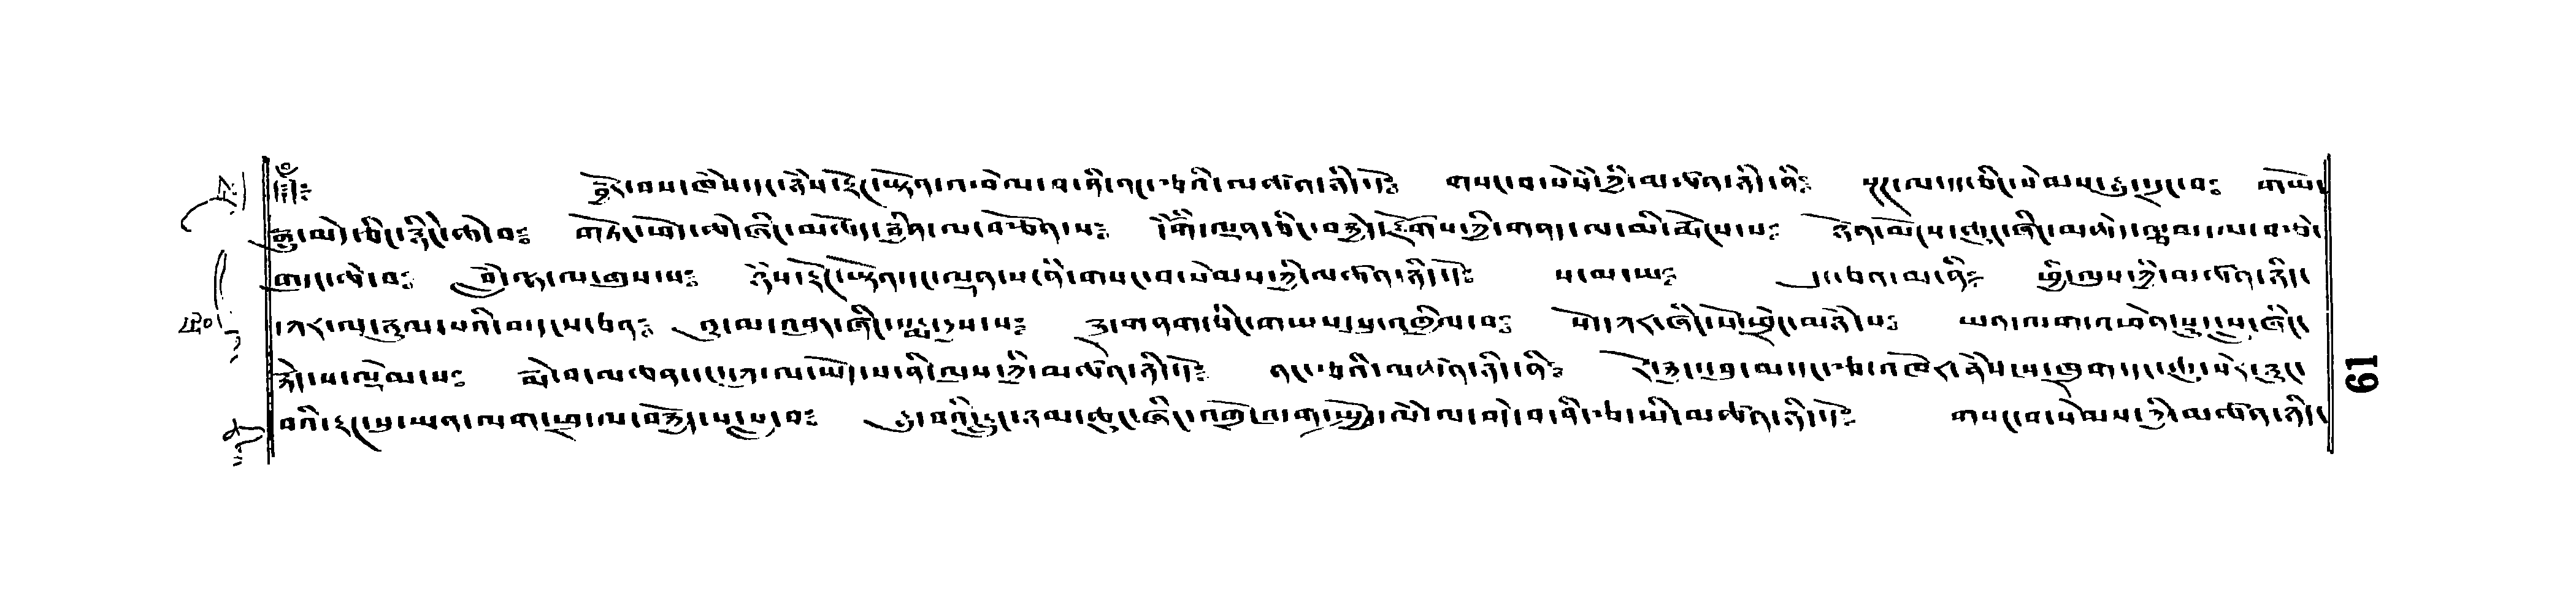སྦྱོར་བས་ཁམས་དང་ཉམས་རྟོགས་ཡོན་ཏན་འཕེལ་བ་ནི་ནང་རྩའི་མཚན་ཉིད་དོ༔ གསང་བ་སེམས་ཀྱི་མཚན་ཉིད་ནི༔ སྔགས་ལ་དད་ཅིང་སེམས་རྒྱུད་དྲང་བ༔ གཡོ་
སྒྱུ་མེད་ཅིང་སྙིང་རྗེ་ཆེ་བ༔ གཏོང་ཕོད་ཆེ་ཞིང་མཆོད་སྦྱིན་ལ་བརྩོན་པ༔ དམ་ཚིག་ལྡན་ཅིང་བསྐྱེད་རྫོགས་ཀྱི་གནད་ལ་མི་རྨོངས་པ༔ ཉོན་མོངས་ཆུང་ཞིང་མཆེད་ལྕམ་ལ་བརྩེ་
གདུང་ཆེ་བ༔ བླ་མ་ལྷ་ལ་གུས་པ༔ ཉམས་རྟོགས་ཡོན་ཏན་དང་ལྡན་པ་ནི་གསང་བ་སེམས་ཀྱི་མཚན་ཉིད་དོ༔ས་མ་ཡ༔ དུང་ཅན་མ་ནི༔ ཕྱི་ལུས་ཀྱི་མཚན་ཉིད་
དཀར་ལ་སྣུམ་པའི་མདངས་ཅན༔ ནུ་མ་འབུར་ཞིང་པདྨ་རྒྱས་པ༔ སྐྲ་གནག་ཅིང་གཡས་སུ་འཁྱིལ་བ༔ སོ་དཀར་ཞིང་སོ་ཕྲེང་མཉམ་པ༔ ཡན་ལག་འཕེན་སྡུད་སླ་ཞིང་
རྐེད་པ་ལྡེམ་པ༔ སྨེ་བ་མཆན་དང་དཀུ་ལ་ཡོད་པ་ནི་ལུས་ཀྱི་མཚན་ཉིད་དོ༔ ནང་རྩའི་མཚན་ཉིད་ནི༔ རོ་རྐྱང་དབུ་མ་དང་རྩ་འཁོར་རྣམས་སུ་ཁྲག་དང་ཆུ་སེར་ཉུང་
བའི་རྟགས་སུ་ཡན་ལག་ཕྲ་ལ་བསྐྱོད་པ་སླ་བ༔ རྒྱུ་བའི་རླུང་ཉམ་ཆུང་ཞིང་འགྲོ་འདུག་སྤྱོད་ལམ་ལ་བདེ་བ་ནི་རྩ་ཡི་མཚན་ཉིད་དོ༔ གསང་བ་སེམས་ཀྱི་མཚན་ཉིད་